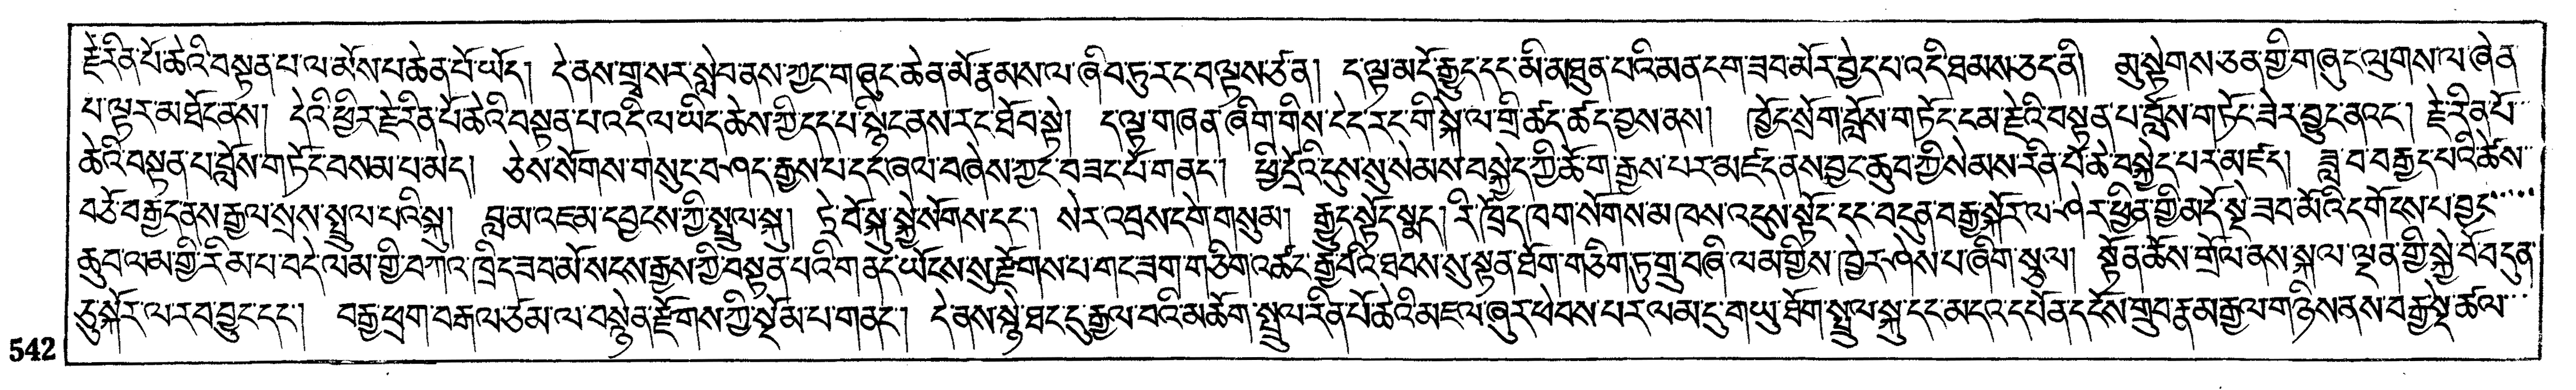རྗེ་རིན་པོ་ཆེའི་བསྟན་པ་ལ་མོས་པ་ཆེན་པོ་ཡོད། དེ་ནས་གྲྭ་སར་སླེབ་ནས་ཀྱང་གཞུང་ཆེན་མོ་རྣམས་ལ་ཞིབ་ཏུ་རང་བལྟས་ཙན། ད་ལྟ་མདོ་རྒྱུད་དང་མི་མཐུན་པའི་མན་དག་ཟབ་མོར་བྱེད་བ་འདི་ཐམས་ཅད་ནི། མུ་སྟེགས་ཅན་གྱི་གཞུང་ལུགས་ལ་ཞེན་
བ་ལྟར་མཐོང་ནས། དེའི་ཕྱིར་རྗེ་རིན་པོ་ཆེའི་བསྟན་པ་འདི་ལ་ཡིད་ཆེས་ཀྱི་དད་པ་སྙིང་ནས་རང་ཐོབ་སྟེ། ད་ལྟ་གཞན་ཞིག་གིས་ངེད་རང་གི་སྐེ་ལ་གྲི་ཚད་ཚད་བྱས་ནས། ཁྱོད་སྲོག་བློས་གཏོང་ངམ་རྗེའི་བསྟན་པ་བློས་གཏོང་ཟེར་བྱུང་ནའང་། རྗེ་རིན་པོ་
ཆེའི་བསྟན་པ་བློས་གཏོང་བསམ་པ་མེད། ཅེས་སོགས་གསུང་བཤད་རྒྱས་པ་དང་ཞལ་བཞེས་ཀྱང་བཟང་པོ་གནང་། ཕྱི་དྲོའི་དུས་སུ་སེམས་བསྐྱེད་ཀྱི་ཆོ་ག་རྒྱས་པར་མཛད་ནས་བྱང་ཆུབ་ཀྱི་སེམས་རིན་པོ་ཆེ་བསྐྱེད་པར་མཛད། ཟླ་བ་བརྒྱད་པའི་ཚེས་
བཅོ་བརྒྱད་ནས་རྒྱལ་སྲས་སྦྲུལ་པའི་སྐུ། བླ་མ་འཇམ་དབྱངས་ཀྱི་སྤྲུལ་སྐུ། ཏྲེ་བོ་སྐུ་སྐྱེ་སོགས་དང་། སེ་ར་འབྲས་དགེ་གསུམ། རྒྱུད་སྟོད་སྨད། རི་ཁྲོད་ཁག་སོགས་མཁས་འདུས་སྟོང་དང་བདུན་བརྒྱ་སྐོར་ལ་ཤེར་ཕྱིན་གྱི་མདོ་སྔ་ཟབ་མོའི་དགོངས་པ་བྱང་
ཆུབ་ལམ་གྱི་རིམ་པ་བདེ་ལམ་གྱི་བཀའ་ཁྲིད་ཟབ་མོ་སངས་རྒྱས་ཀྱི་བསྟན་པའི་གནད་ཡོངས་སུ་རྫོགས་པ་གང་ཟག་གཅིག་འཚང་རྒྱ་བའི་ཐབས་སུ་སྟན་ཐོག་གཅིག་ཏུ་གྲུ་བཞི་ལམ་གྱིས་ཁྱེར་ཤེས་པ་ཞིག་སྩལ། སྟོན་ཆོས་གྲོལ་ནས་སྐལ་ལྡན་གྱི་སྐྱེ་བོ་བདུན་
ཅུ་སྐོར་ལ་རབ་བྱུང་དང་། བརྒྱ་ཕྲག་བརྒལ་ཙམ་ལ་བསྙེན་རྫོགས་ཀྱི་སྡོམ་པ་གནང་། དེ་ནས་སྙེ་ཐང་དུ་རྒྱལ་བའི་མཆོག་སྦྲུལ་རིན་པོ་ཆེའི་མཇལ་ཞུར་ཕེབས་པའི་ལམ་དུ་གཡུ་ཐོག་སྦྲུལ་སྐུ་དང་མདའ་དཔོན་དངོས་གྲུབ་རྣམ་རྒྱལ་གཉིས་ནས་བརྒྱ་སྡེ་ཚལ་